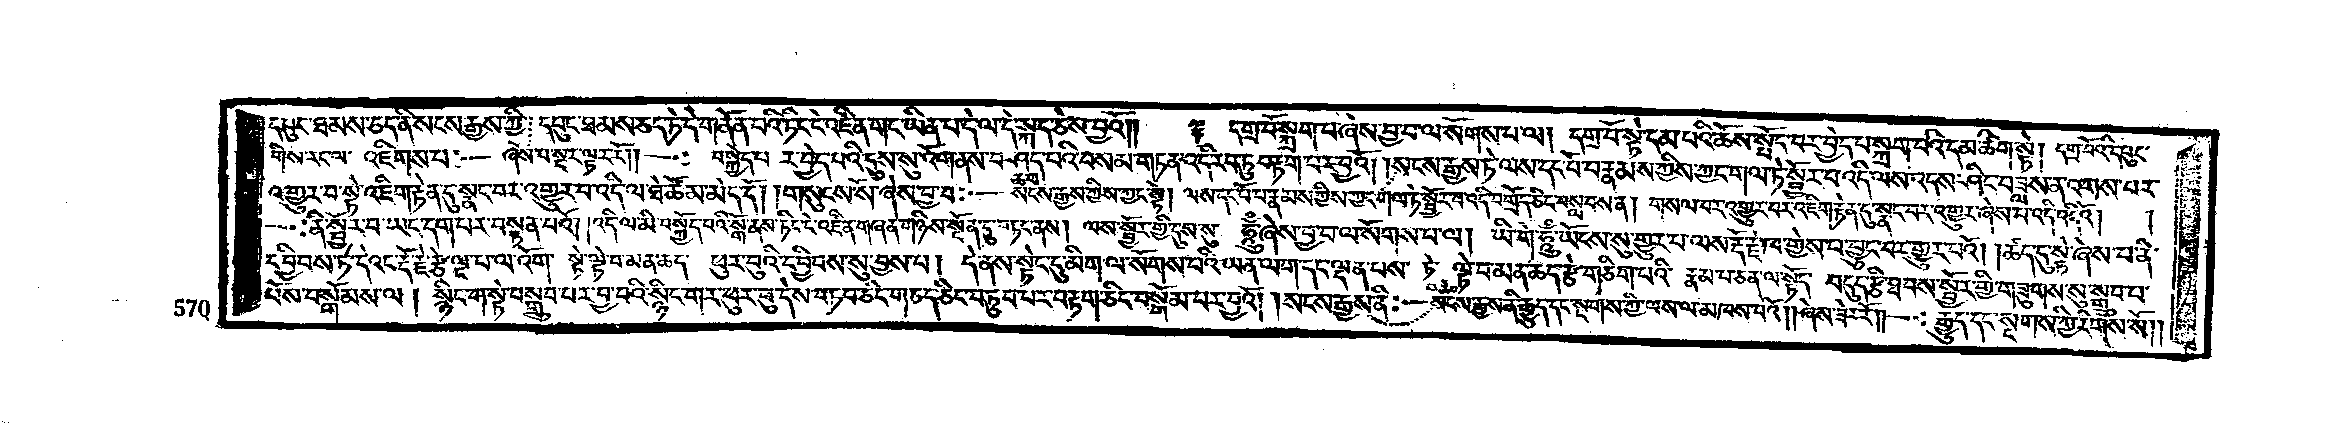དཔུང་ཐམས་ཅད་ནི་སངས་རྒྱས་ཀྱི་དཔུང་ཐམས་ཅད་ཏེ་དེ་གནོན་པའི་ཏིང་ངེ་འཛིན་གང་ཡིན་པ་དེ་ལ་དེ་སྐད་ཅེས་བྱའོ།། ༈ དགྲ་བོ་སྐྲག་པ་ཞེས་བྱ་བ་ལ་སོགས་པ་ལ། དགྲ་བོ་སྟེ་དམ་པའི་ཆོས་སྤོང་བར་བྱེད་པ་སྐྲག་པའི་དམ་ཚིག་སྟེ། དགྲ་བོའི་དཔུང་
གིས་རང་ལ་འཇིགས་པཿ་ཞེས་པ་སྔར་ལྟར་རོ།། བསྐྱེད་པར་བྱེད་པའི་དུས་སུ་འོག་ནས་བཤད་པའི་བསམ་གཏན་འདི་རབ་ཏུ་བརྟག་པར་བྱའོ། །སངས་རྒྱས་ཏེ་ལས་དང་པོ་པ་རྣམས་ཀྱིས་ཀྱང་གལ་ཏེ་སྦྱོར་བ་འདི་ལས་འདས་ཤིང་བཟླས་ན་འགོས་པར་
འགྱུར་བ་སྟེ་འཇིག་རྟེན་དུ་སྣང་བར་འགྱུར་བ་འདི་ལ་ཐེ་ཚོམ་མེད་དོ། །གསུངས་སོ་ཞེས་བྱ་བ་ཆག་སངས་རྒྱས་ཀྱིས་ཀྱང་སྟེ། ལས་དང་པོ་པ་རྣམས་ཀྱིས་ཀྱང་གལ་ཏེ་སྦྱོར་བ་འདི་བགྲོད་ཅིང་བསླབས་ན། གསལ་བར་འགྱུར་བར་འཇིག་རྟེན་དུ་སྣང་བར་འགྱུར་ཞེས་པ་འདི་བདེའོ། །
ནི་སྦྱོར་བ་ཡང་དག་པར་བསྟན་པའོ། ། འདི་ལ་མི་བསྐྱོད་པའི་སྒོ་ནས་ཏིང་ངེ་འཛིན་གཞན་གཉིས་སྔོན་དུ་བཏང་ནས། ལས་སྦྱོར་གྱི་དུས་སུ་ཧཱུཾ་ཞེས་བྱ་བ་ལ་སོགས་པ་ལ། ཡི་གེ་ཧཱུཾ་ཡོངས་སུ་གྱུར་པ་ལས་རྡོ་རྗེ་ཁ་གྱེས་པ་བྱུང་བར་གྱུར་པའོ། །ཚད་དུ་སྟེ་ཞེས་པ་ནི་
དབྱིབས་ཏེ་དེའང་རྡོ་རྗེ་རྩེ་ལྔ་པ་ལ་འོག་སྟེ་ལྟེ་བ་མན་ཆད་ཕུར་བུའི་དབྱིབས་སུ་བྱས་པ། དེ་ནས་སྟེང་དུ་མིག་ལ་སོགས་པའི་ཡན་ལག་དང་ལྡན་པས་ཏེ་ལྟེ་བ་མན་ཆད་རྩེ་གཅིག་པའི་རྣམ་པ་ཅན་ལ་སྟོད་བདུད་རྩི་ཐབས་སྦྱོར་གྱི་གཟུགས་སུ་སྒྲུབ་པ་
པོས་བསྒོམས་ལ། སྙིང་ག་སྟེ་བསྒྲུབ་པར་བྱ་བའི་སྙིང་གར་ཕུར་བུ་དེས་བཏབ་ཅིང་གཅད་ཅིང་བཏུབ་པར་བརྟག་ཅིང་བསྒོམ་པར་བྱའོ། །སངས་རྒྱས་ནི་པ་ཚབ་སངས་རྒྱས་ནི་རྒྱུད་དང་སྔགས་ཀྱི་ལས་ལ་མཁས་པའོ། །ཞེས་ཟེར་རོ།།  རྒྱུད་དང་སྔགས་ཀྱི་རིགས་སོ། །